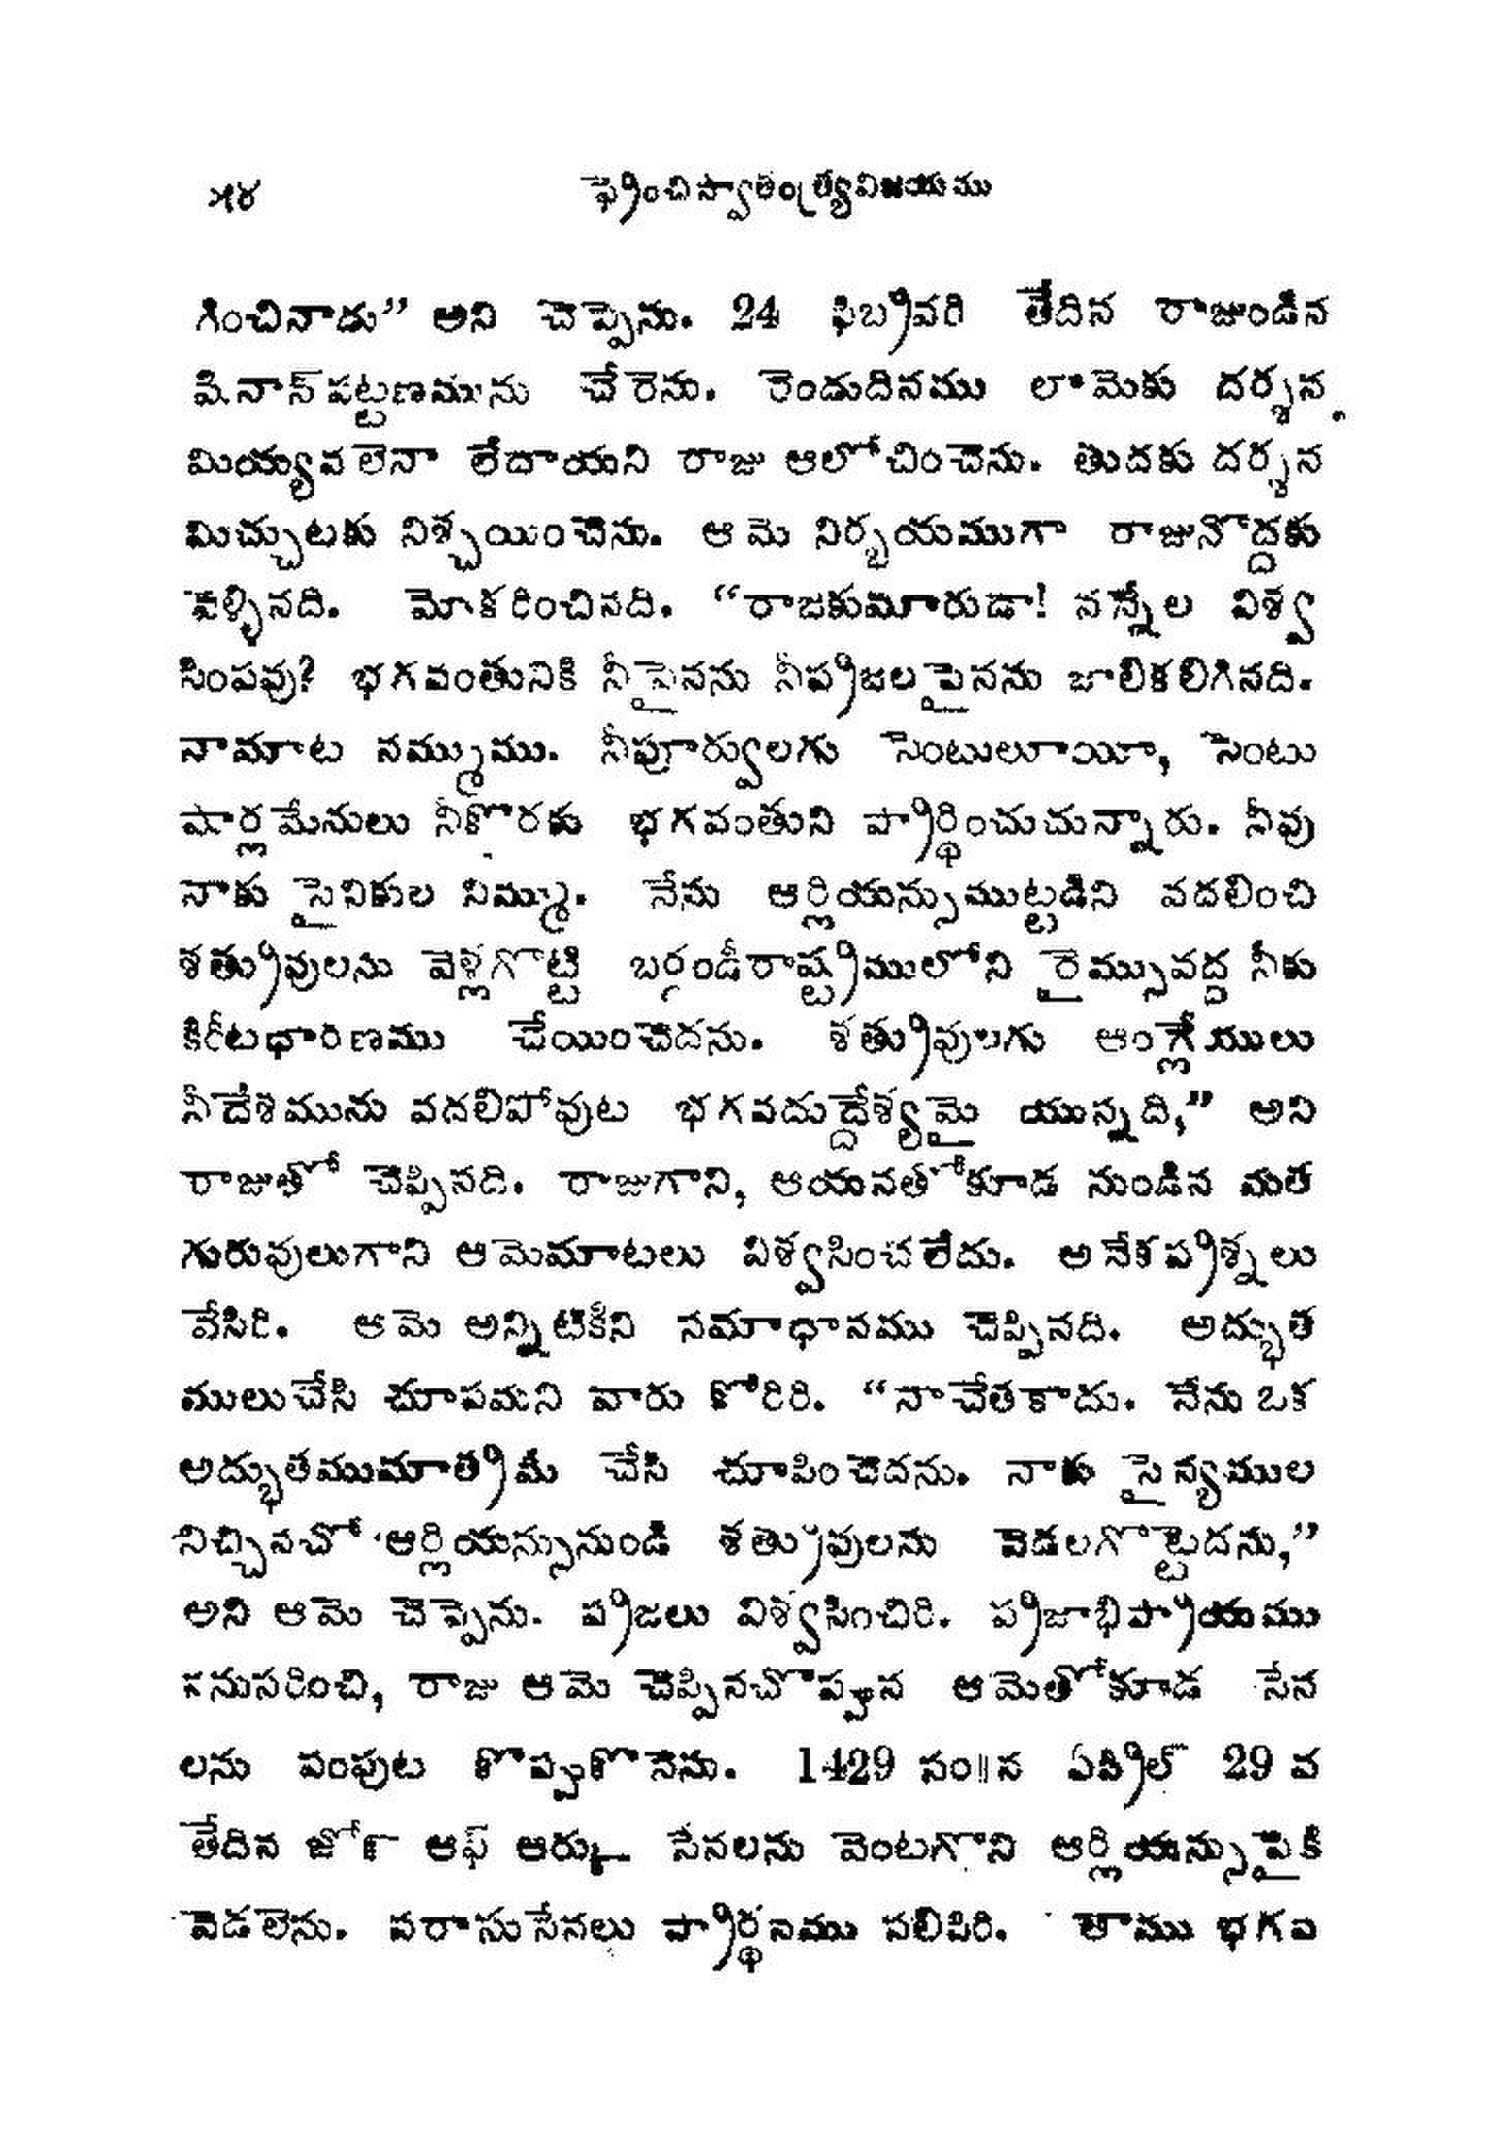గించినాడు” అని చెప్పెను. 24 ఫిబ్రవరి తేదిన రాజుండిన
సినాన్ పట్టణమును చేరెను. రెండుదినము లామెకు దర్శన.
మియ్యవ లెనా లేదాయని రాజు ఆలోచించెను. తుదకు దర్శన
మిచ్చుటకు నిశ్చయించెను. ఆమె నిర్భయముగా రాజునొద్దకు
వెళ్ళినది. మోకరించినది. "రాజకుమారుడా! నన్నేల విశ్వ
సింపవు? భగవంతునికి నీ పైనను నీ ప్రజల పైనను జాలికలిగినది.
నామాట నమ్ముము. నీ పూర్వులగు సెంటులూయీ, సెంటు
షార్ల మేనులు నీకొరకు భగవంతుని ప్రార్థించుచున్నారు. నీవు
నాకు సైనికుల నిమ్ము. నేను ఆర్లియన్సు ముట్టడిని వదలించి
శత్రువులను వెళ్ల గొట్టి బర్గండీ రాష్ట్రములోని రైమ్సువద్ద నీకు
కిరీటధారణము చేయించెదను. శత్రువులగు ఆంగ్లేయులు
నీ దేశమును వదలిపోవుట భగవదుద్దేశ్యమై యున్నది.” అని
రాజుతో చెప్పినది. రాజుగాని, ఆయనతో కూడ నుండిన మత
గురువులుగాని ఆ మెమాటలు విశ్వసించ లేదు. అనేక ప్రశ్నలు
వేసిరి. ఆమె అన్నిటికిని సమాధానము చెప్పినది. అద్భుత
ములు చేసి చూపమని వారు కోరిరి. "నాచేతకాదు. నేను ఒక
అద్భుతము మాత్రమీ చేసి చూపించెదను. నాకు సైన్యముల
నిచ్చినచో ఆర్లియస్సునుండి శత్రువులను వెడలగొట్టెదను,”
అని ఆమె చెప్పెను. ప్రజలు విశ్వసించిరి. ప్రజాభిప్రాయము
సనుసరించి, రాజు ఆమె చెప్పిన చొప్పున ఆమెతో కూడ సేన
లను పంపుట కొప్పుకొనెను. 1429 సం!!న ఏప్రిల్ 29 వ
తేదిన జోన్ ఆఫ్ ఆర్కు సేనలను వెంటగొని ఆర్లియస్సుపై కి
వెడలెను. పరాసు సేనలు ప్రార్థనము సలిపిరి. తాము భగవ